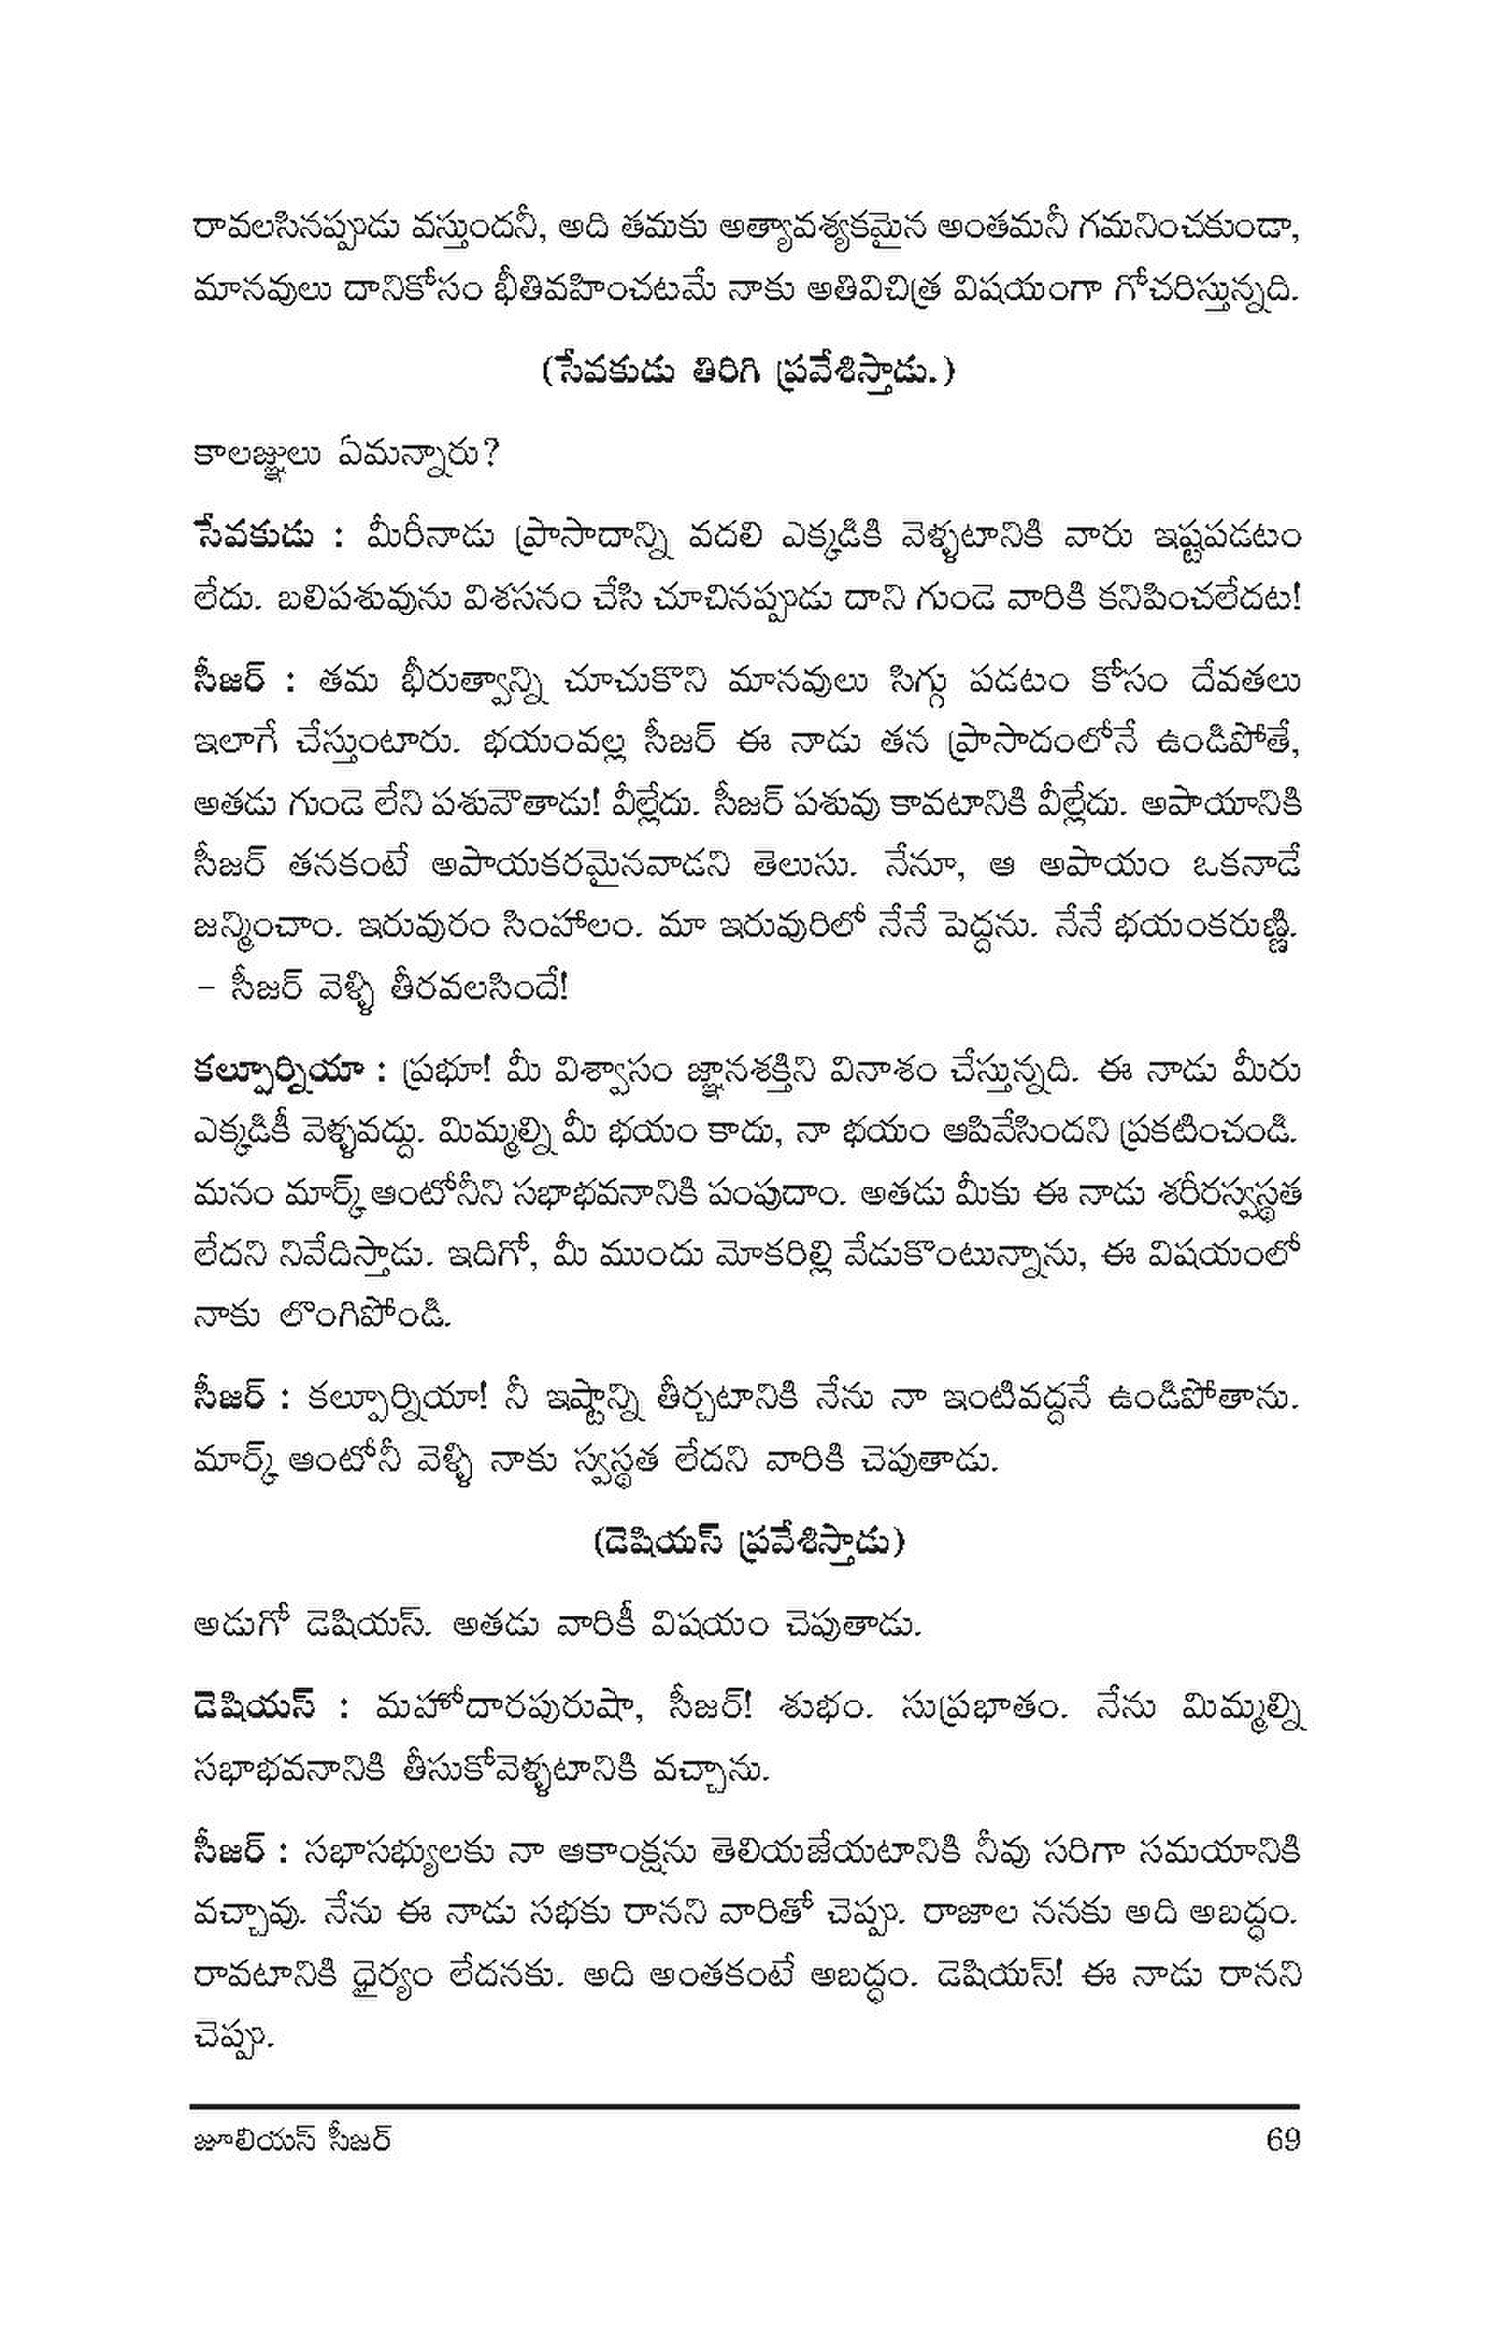రావలసినప్పుడు వస్తుందనీ, అది తమకు అత్యావశ్యకమైన అంతమనీ గమనించకుండా, మానవులు దానికోసం భీతి వహించటమే నాకు అతివిచిత్ర విషయంగా గోచరిస్తున్నది.

కాలజ్ఞులు ఏమన్నారు?

సేవకుడు : మీరీనాడు ప్రాసాదాన్ని వదలి ఎక్కడికి వెళ్ళటానికి వారు ఇష్టపడటం లేదు. బలిపశువును విశసనం చేసి చూచినప్పుడు దాని గుండె వారికి కనిపించలేదట!

సీజర్ : తమ భీరుత్వాన్ని చూచుకొని మానవులు సిగ్గు పడటం కోసం దేవతలు ఇలాగే చేస్తుంటారు. భయంవల్ల సీజర్ ఈ నాడు తన ప్రాసాదంలోనే ఉండిపోతే, అతడు గుండె లేని పశువౌతాడు! వీల్లేదు. సీజర్ పశువు కావటానికి వీల్లేదు. అపాయానికి సీజర్ తనకంటే అపాయకరమైనవాడని తెలుసు. నేనూ, ఆ అపాయం ఒకనాడే జన్మించాం. ఇరువురం సింహాలం. మా ఇరువురిలో నేనే పెద్దను. నేనే భయంకరుణ్ణి. సీజర్ వెళ్ళి తీరవలసిందే!

కల్పూర్నియా : ప్రభూ! మీ విశ్వాసం జ్ఞానశక్తిని వినాశం చేస్తున్నది. ఈ నాడు మీరు ఎక్కడికీ వెళ్ళవద్దు. మిమ్మల్ని మీ భయం కాదు, నా భయం ఆపివేసిందని ప్రకటించండి. మనం మార్క్ ఆంటోనీని సభాభవనానికి పంపుదాం. అతడు మీకు ఈ నాడు శరీరస్వస్థత లేదని నివేదిస్తాడు. ఇదిగో, మీ ముందు మోకరిల్లి వేడుకొంటున్నాను, ఈ విషయంలో
నాకు లొంగిపోండి.

సీజర్ : కల్పూర్నియా! నీ ఇష్టాన్ని తీర్చటానికి నేను నా ఇంటివద్దనే ఉండిపోతాను. మార్క్ ఆంటోనీ వెళ్ళి నాకు స్వస్థత లేదని వారికి చెపుతాడు.

అడుగో డెషియస్. అతడు వారికీ విషయం చెపుతాడు.

డెషియస్ : మహోదారపురుషా, సీజర్! శుభం. సుప్రభాతం. నేను మిమ్మల్ని
సభాభవనానికి తీసుకోవెళ్ళటానికి వచ్చాను.

సీజర్ : సభాసభ్యులకు నా ఆకాంక్షను తెలియజేయటానికి నీవు సరిగా సమయానికి వచ్చావు. నేను ఈ నాడు సభకు రానని వారితో చెప్పు. రాజాల ననకు అది అబద్ధం. రావటానికి ధైర్యం లేదనకు. అది అంతకంటే అబద్దం. డెషియస్! ఈ నాడు రానని చెప్పు.